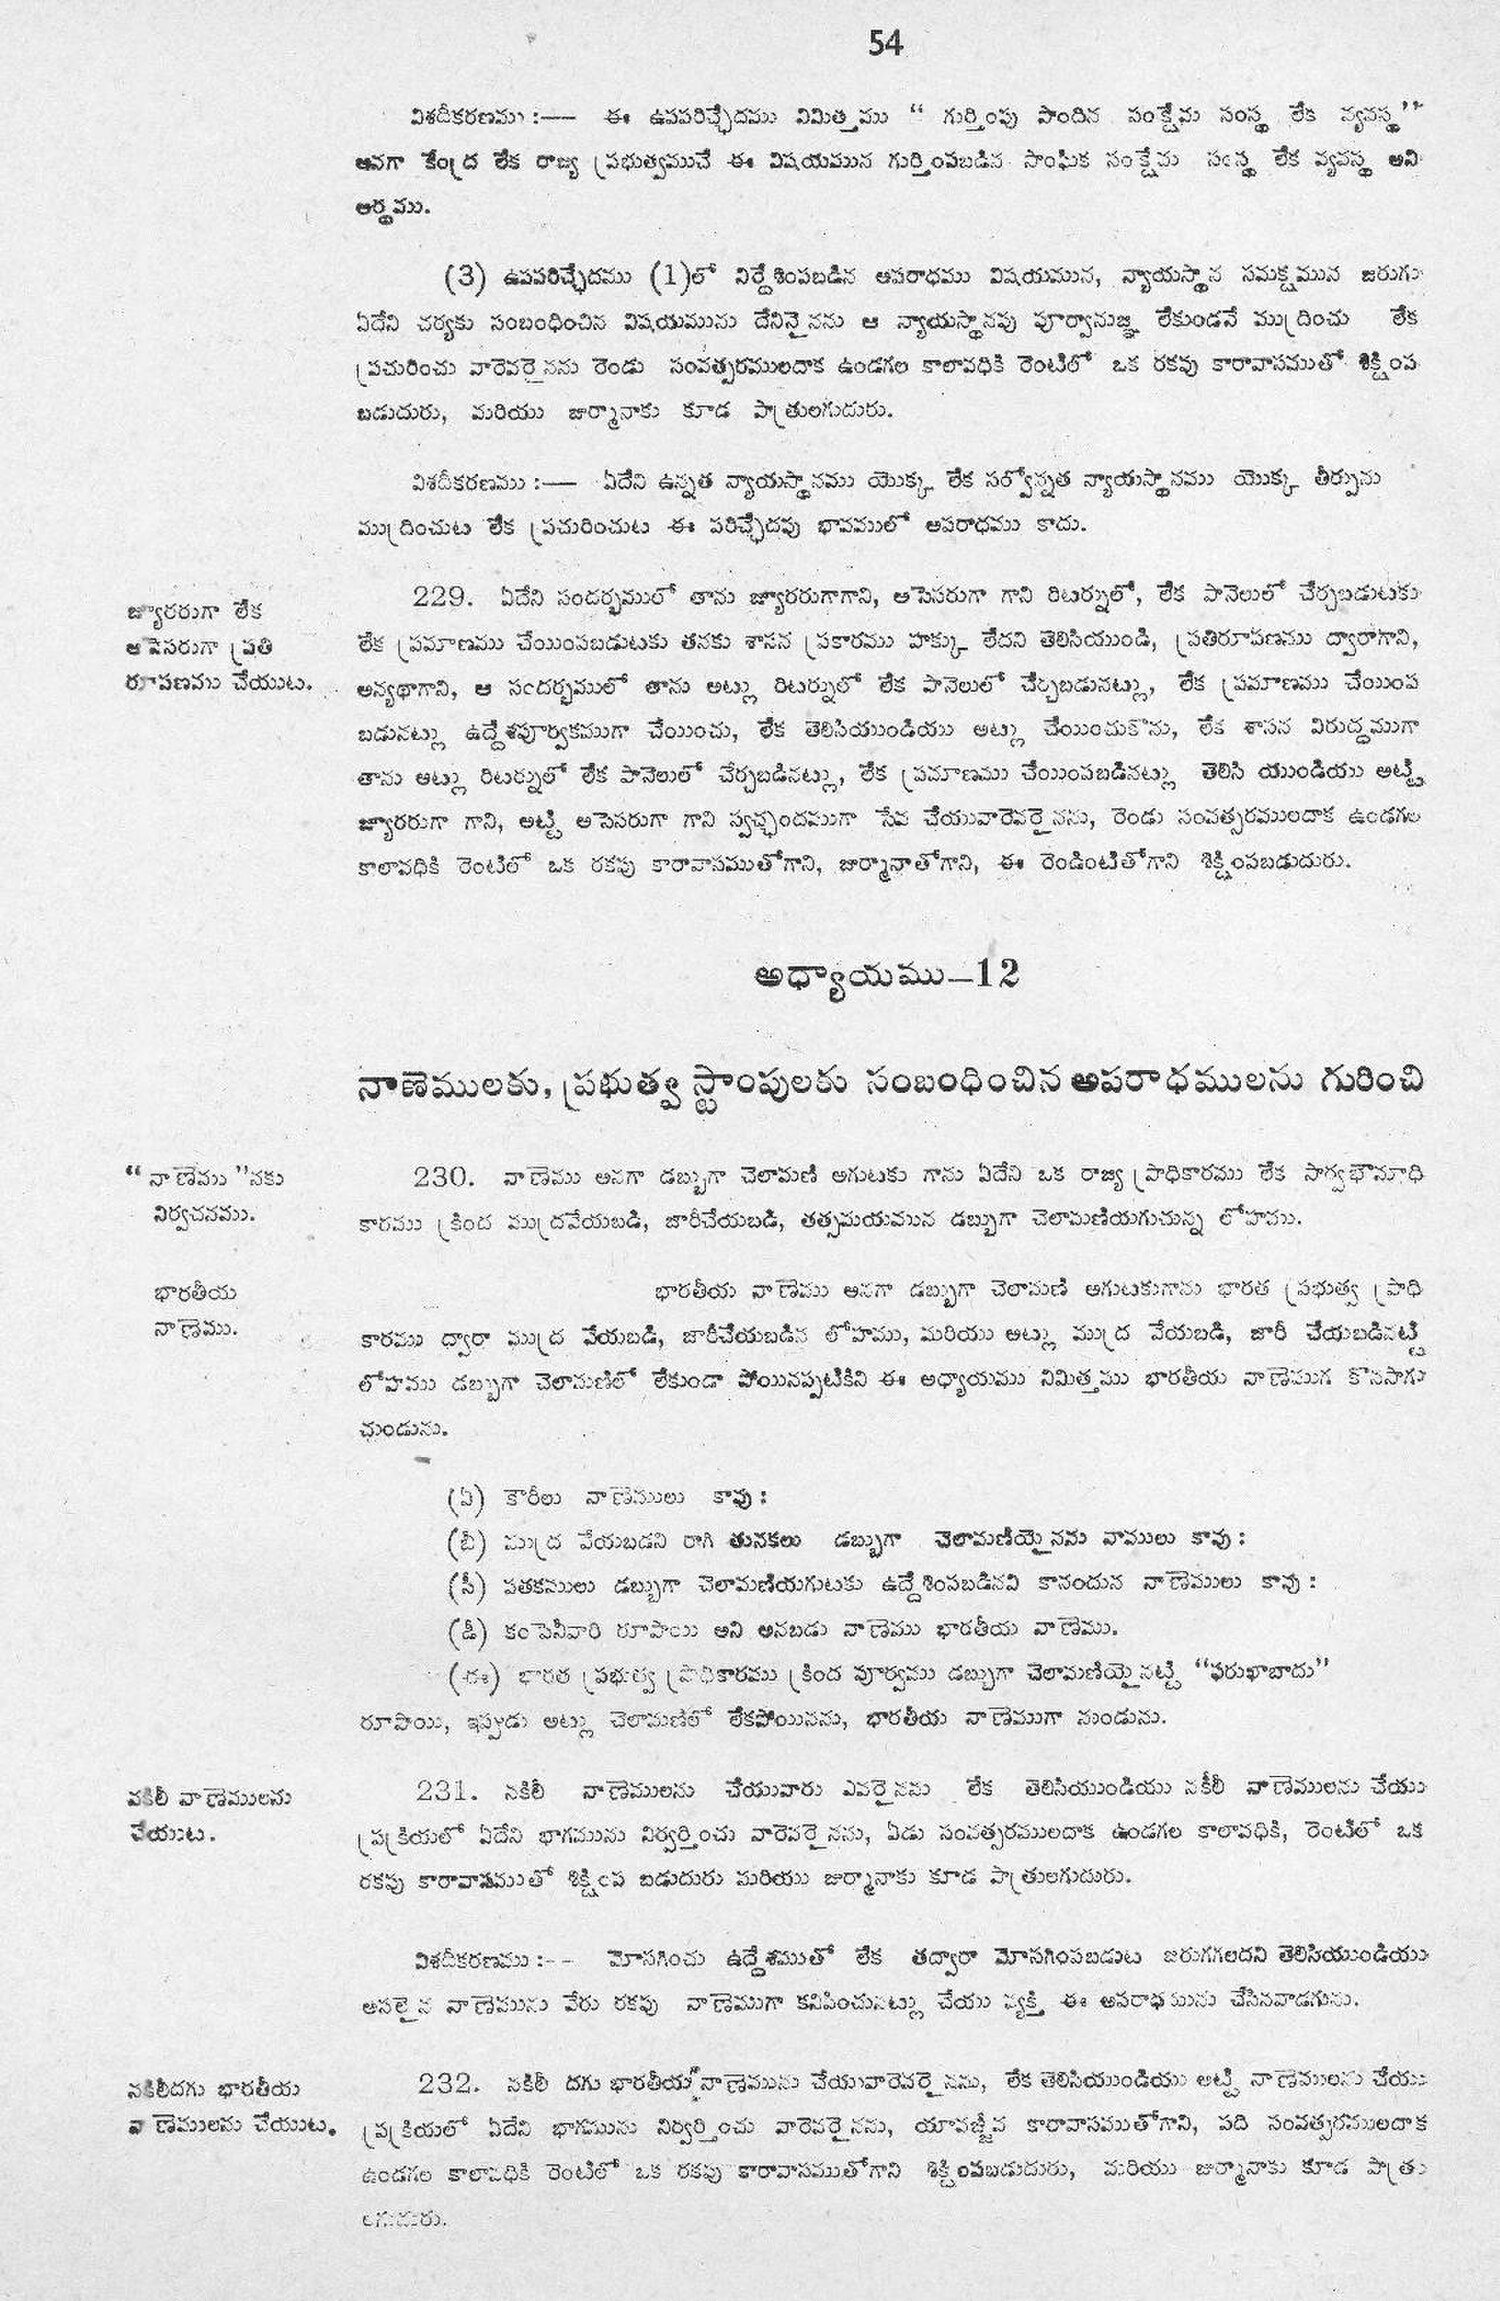విశదీకరణము :-- ఈ ఉపపరిచ్ఛేదము నిమిత్తము ″గుర్తింపు పొందిన సంక్షేమ సంస్థ లేక వ్యవస్ఠ ″ అనగా కేంద్ర లేక రాజ్య ప్రభుత్వముచే ఈ విషయమున గుర్తించబడిన సాంఘిక సంక్షేమ సంస్థ లేక వ్యవస్థ అని అర్ఢము.

(3) ఉపపరిచ్ఛేదము (1)లో నిర్దేశింపబడిన ఆపరాధము విషయమున, న్యాయస్థాన సమక్షమున జరుగు ఏదేని చర్యకు సంబంధించిన విషయమును దేనినైనను ఆ న్యాయస్థానపు పూర్వానుజ్ఞ లేకుండనే ముద్రించు లేక ప్రచురించు వారెవరై నను రెండు సంవత్సరములదాక ఉండగల కాలావధికి రెంటిలో ఒక రకవు కారావాసముతో శిక్షింప బడుదురు, మరియు జుర్మానాకు కూడ పాత్రులగుదురు.

విశదీకరణము :-- ఏదేని ఉన్నత న్యాయస్థానము యొక్క లేక సర్వోన్నత న్యాయస్థానము యొక్క తీర్పును ముద్రించుట లేక ప్రచురించుట ఈ పరిచ్ఛేదపు భావములో అపరాధము కాదు.

జ్యూరరుగా లేక ఆ పెసరుగా ప్రతి రూపణము చేయుట.

229. ఏదేని సందర్భములో తాను జ్యూరరుగాగాని, అసెసరుగా గాని రిటర్నులో, లేక పానెలులో చేర్చబడుటకు లేక ప్రమాణము చేయింపబడుటకు తనకు శాసన ప్రకారము హక్కు లేదని తెలిసియుండి, ప్రతిరూపణము ద్వారాగాని, అన్యథాగాని, ఆ సందర్భములో తాను అట్లు రిటర్నులో లేక పానెలులో చేర్చబడునట్లు, లేక ప్రమాణము చేయింప బడునట్లు ఉద్దేశపూర్వకముగా చేయించు, లేక తెలిసియుండియు అట్లు చేయించుకొను, లేక శాసన విరుద్ధముగా తాను ఆట్లు రిటర్నులో లేక పొనెలులో చేర్చబడినట్లు, లేక ప్రమాణము చేయింపబడినట్లు తెలిసి యుండియు అట్టి జ్యూరరుగా గాని, అట్టి అసెసరుగా గాని స్వచ్ఛందముగా సేవ చేయువారెవరైనను, రెండు సంవత్సరములదాక ఉండగల
కాలావధికి రెంటిలో ఒక రకపు కారావాసముతోగాని, జుర్మానాతోగాని, ఈ రెండింటితోగాని శిక్షింపబడుదురు.

"నాణెము "నకు నిర్వచనము.

230. నాణెము అనగా డబ్బగా చెలామణి అగుటకు గాను ఏదేని ఒక రాజ్య ప్రాధికారము లేక సార్వభౌమాధి కారము క్రింద ముద్రవేయబడి, జారీచేయబడి, తత్సమయమున డబ్బుగా చెలామణియగుచున్న లోహము.

భారతీయ నాణెము.

భారతీయ నాణేము అనగా డబ్బుగా చెలామణి అగుటకుగాను భారత ప్రభుత్వ ప్రాధికారము ద్వారా ముద్ర వేయబడి, జారీచేయబడిన లోహము, మరియు అట్లు ముద్ర వేయబడి, జారీ చేయబడినట్టి లోహము డబ్బుగా చెలామణిలో లేకుండా పోయినప్పటికిని ఈ అధ్యాయము నిమిత్తము భారతీయ నాణెముగ కొనసాగు చుండును.

(ఎ) కౌరీలు నాణెములు కావు:
(బి) ముద్ర వేయబడని రాగి తునకలు డబ్బుగా చెలామణియై నను వాములు కావు :
(సీ) పతకములు డబ్బుగా చెలామణియగుటకు ఉద్దేశింపబడినవి కానందున నాణెములు కావు :
(డీ) కం పెనీవారి రూపాలు అని అనబడు నాణెము భారతీయ వాణేము.
(ఈ) భారత ప్రభుత్వ ప్రాధికారము క్రింద పూర్వము డబ్బుగా చెలామణియై నట్టి “ఫరుఖాబాదు"
రూపాయి.. ఇప్పుడు అట్లు చెలామణిలో లేకపోయినను, భారతీయ నాణెముగా నుండును.

నకిలీ నాణెములను చేయుట.

231. నకిలీ నాణెములను చేయువారు ఎవరైనను తెలిసియుండియు నకీలీ నాణెములను చేయు ప్రక్రియలో ఏదేని భాగమును నిర్వర్తించు వారెవరై నను, ఏడు సంవత్సరములదాక ఉండగల కాలావధికి, రెంటిలో ఒక రకపు కారావాసము తో శిక్షింప బడుదురు మరియు జుర్మానాకు కూడ పాత్రులగుదురు.

విశదీకరణము :-- మోసగించు ఉద్దేశముతో లేక తద్వారా మోసగింపబడుట జరుగగలదని తెలిసియుండియు అసలైన నాణెములు వేరు రకపు నాణెముగా కనిపించునట్లు చేయు వ్యక్తి ఈ అపరాధ రుసు చేసినవాడగును.

నకిలీదగు భారతీయ నాణెములను చేయుట

232. నకిలీ దగు భారతీయ నాణెమును చేయువారెవరైనను, లేక తెలిసియుండియు అట్టి నాణెములను చేయు: ప్రక్రియలో ఏదేని భాగమును నిర్వర్తించు వారెవరైనను, యావజ్జీవ కారావాసముతోగాని, పది సంవత్సరములదాక ఉండగల కాలావధికి రెంటిలో ఒక రకపు కారావాసముతోగాని శిక్షింపబడుదురు, మరియు జూర్మానాకు కూడ పాత్రులగుదురు.